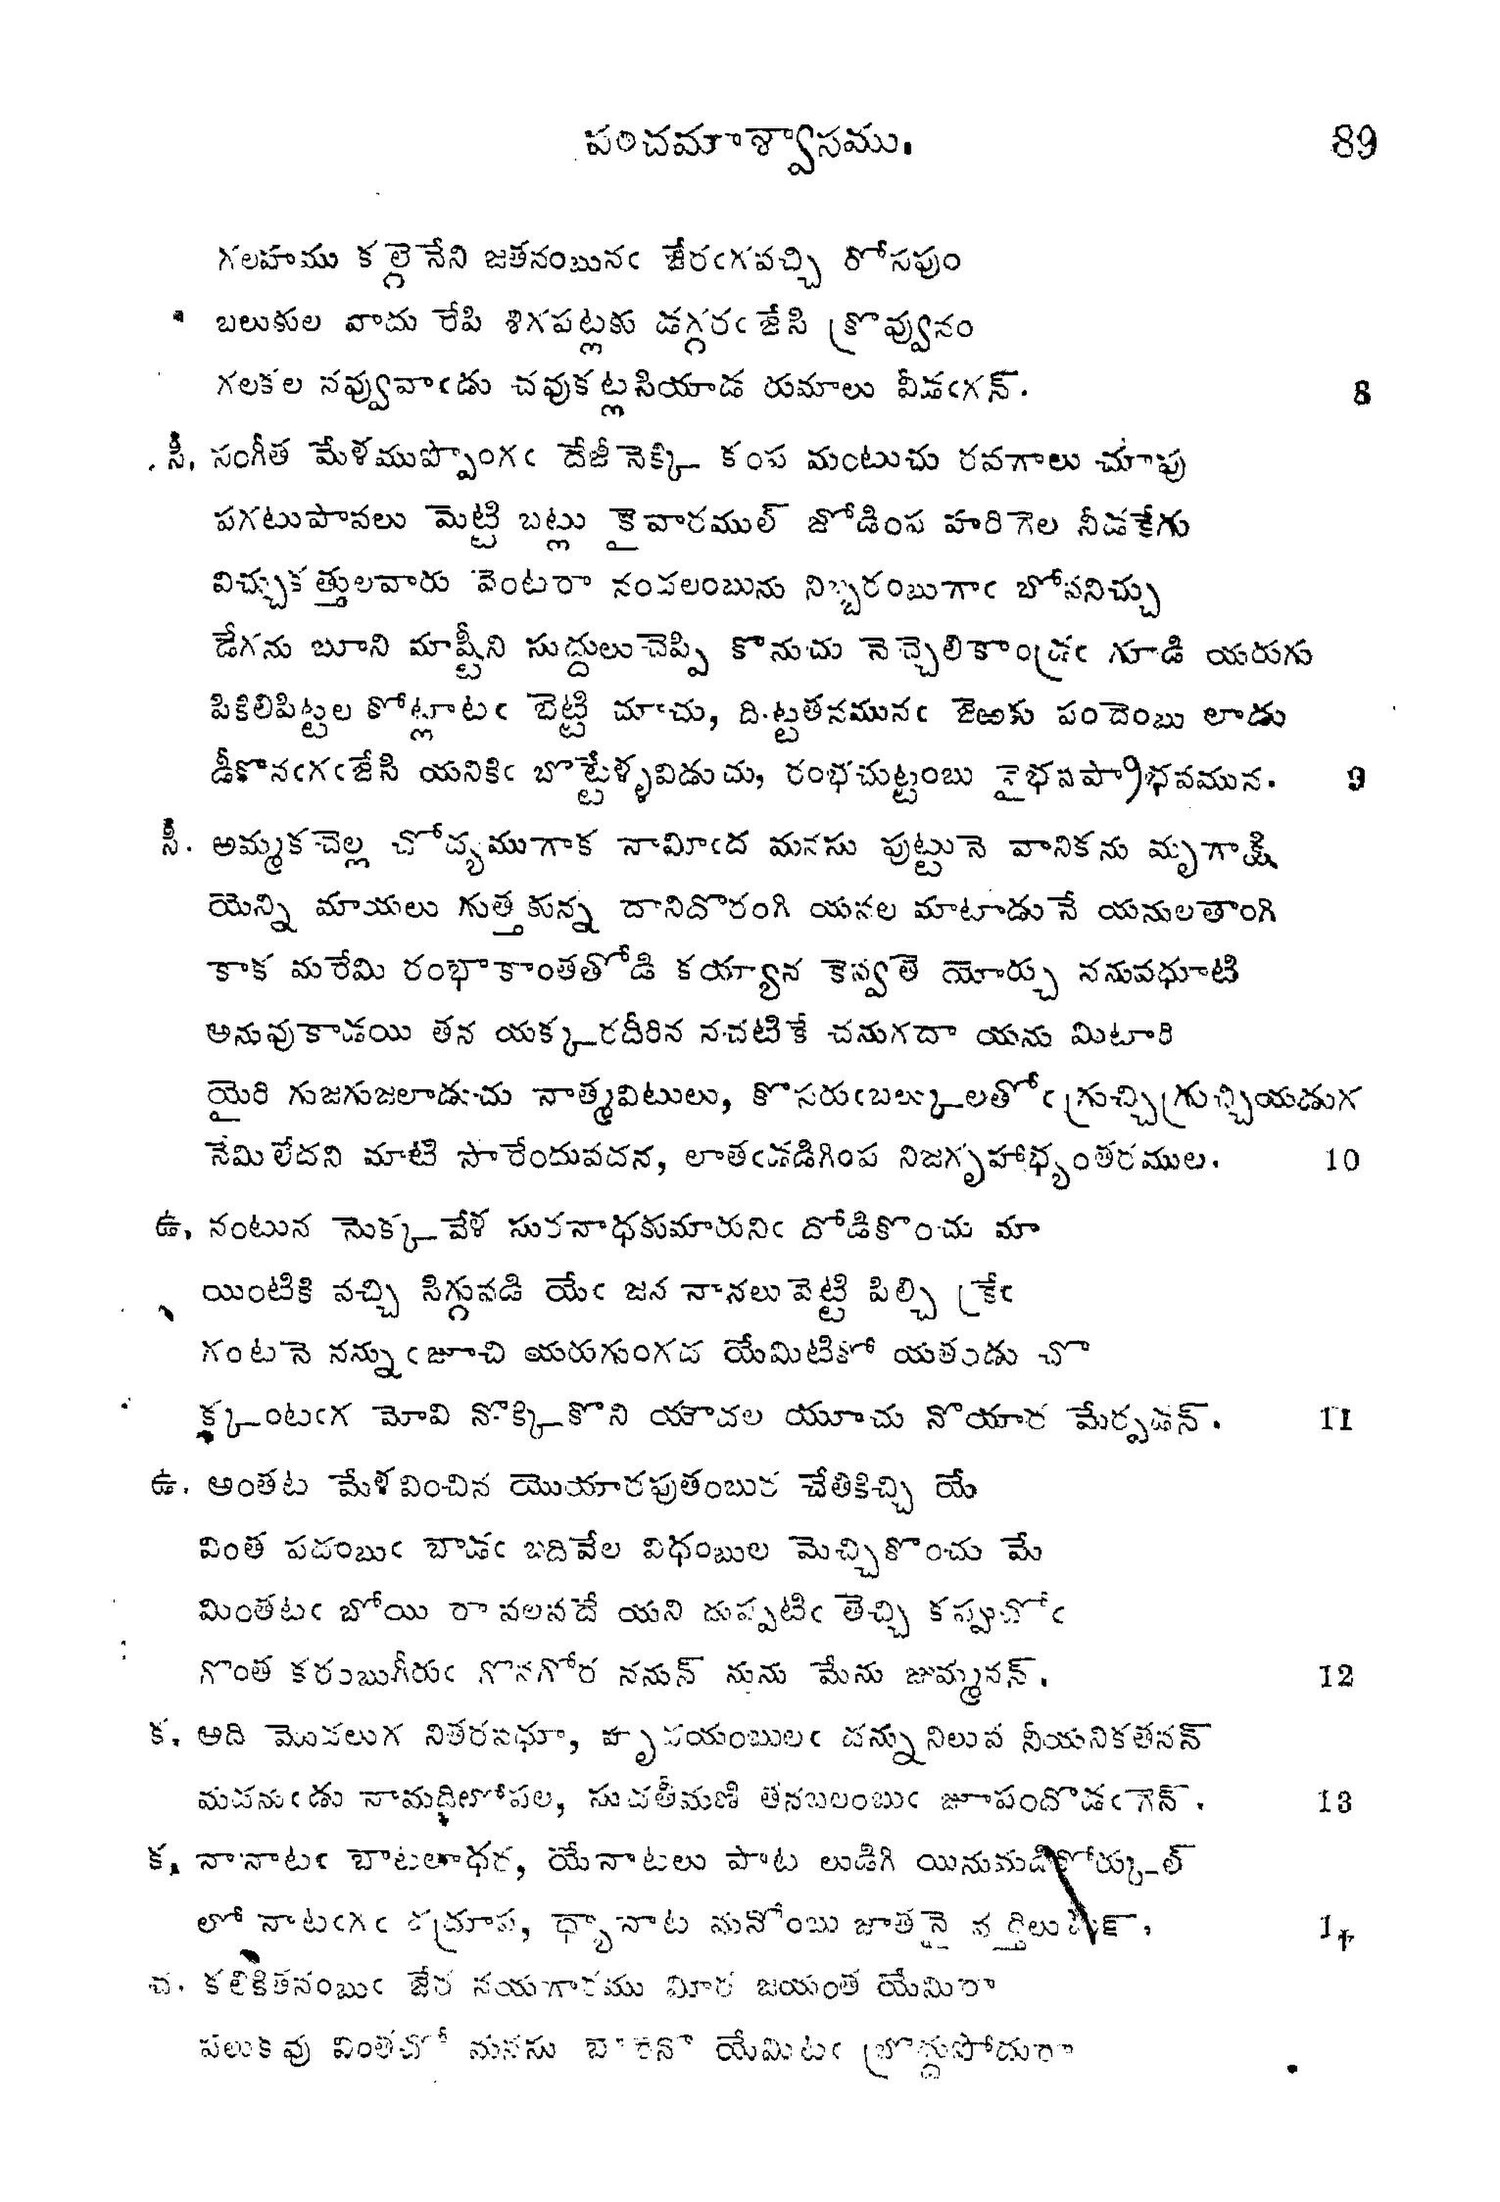గలహము కల్లెనేని జతనంబునఁ జేరఁగ వచ్చి రోసపుం
బలుకుల వాదు రేపి శిగపట్లకు దగ్గరఁజేసి క్రొవ్వునం
గలకల నవ్వువాఁడు చవుక ట్లసియాడ రుమాలు వీడఁగన్.
సీ. సంగీతమేళ ముప్పొంగఁ దేజీ నెక్కి కంప మంటుచు రవగాలు చూపు
పగటుపానలు మెట్టి బట్లు కైవారముల్ జోడింప హరిగెల నీడ కేగు
విచ్చుకత్తులవారు వెంటరా నందలంబును నిబ్బరంబుగాఁ బోవనిచ్చు
డేగను బూని మాష్టీని సుద్దులు చెప్పికొనుచు నెచ్చెలికాండ్రఁ గూడి యరుగు
పికిలిపిట్టల కొట్లాటఁ బెట్టి చూచు, దిట్టతనమునఁ జెఱకు పందెంబు లాడు
డీకొనఁగఁజేసి యనికిఁ బొట్టేళ్ళ విడుచు, రంభచుట్టంబు వైభవప్రాభవమున.
సీ. అమ్మకచెల్ల చోచ్యము గాక నామీఁద మనసు పుట్టునె వాని కను మృగాక్షి
యెన్ని మాయలు గుత్తకున్నదాని దొరంగి యవల మాటాడునే యను లతాంగి
కాక మరేమి రంభాకాంతతోడి కయ్యాన కెవ్వతె యోర్చు నను వధూటి
అనువుకాడయి తనయక్కర దీరిన నచటికే చనుగదా యను మిటారి
యైరి గుజగుజలాడుచు నాత్మవిటులు, కొసరుఁబల్కులతోఁ గ్రుచ్చిగ్రుచ్చియడుగ
నేమి లేదని మాటి సారేందువదన, లాతఁ డడిగింప నిజగృహాభ్యంతరముల.
ఉ. నంటున నొక్కవేళ సురనాథకుమారునిఁ దోడికొంచు మా
యింటికి వచ్చి సిగ్గువడి యేఁ జన నానలు వెట్టి పిల్చి క్రేఁ
గంటనె నన్నుఁ జూచి యరుగుంగ యేమిటికో యతండు చొ
క్కంటఁగ మోవి నొక్కికొని యౌదల యూచు నొయార మేర్పడన్.
ఉ. అంతట మేళవించిన యొయారపుతంబుర చేతి కిచ్చి యే
వింతపదంబుఁ బాడఁ బదివేలవిధంబుల మెచ్చికొంచు మే
మింతటఁ బోయి రావలవదే యని దుప్పటిఁ తెచ్చి కప్పుచోఁ
గొంత కరంబుగీరుఁ గొనగోర ననున్ నునుమేను జుమ్మనన్.
క. అది మొదలుగ నితరవధూ, హృదయంబులఁ దన్ను నిలువనీయనికతనన్
మదనుఁడు నామదిలోపల, సుదతీమణి తనబలంబుఁ జూపందొడఁగెన్.
క. నానాటఁ బాటలాధర, యేనాటలు పాట లుడిగి యినుమడికోర్కుల్
లోనాటఁగఁ దద్రూప, ధ్యానాట మనోంబుజాతనై వర్తిలుదున్.
చ. కలికితనంబుఁ జేర నయగారము మీరు జయంత యేమిరా
పలుకవు వింతచో మనను బారెనొ యేమిటఁ బ్రొద్దుపోదురా